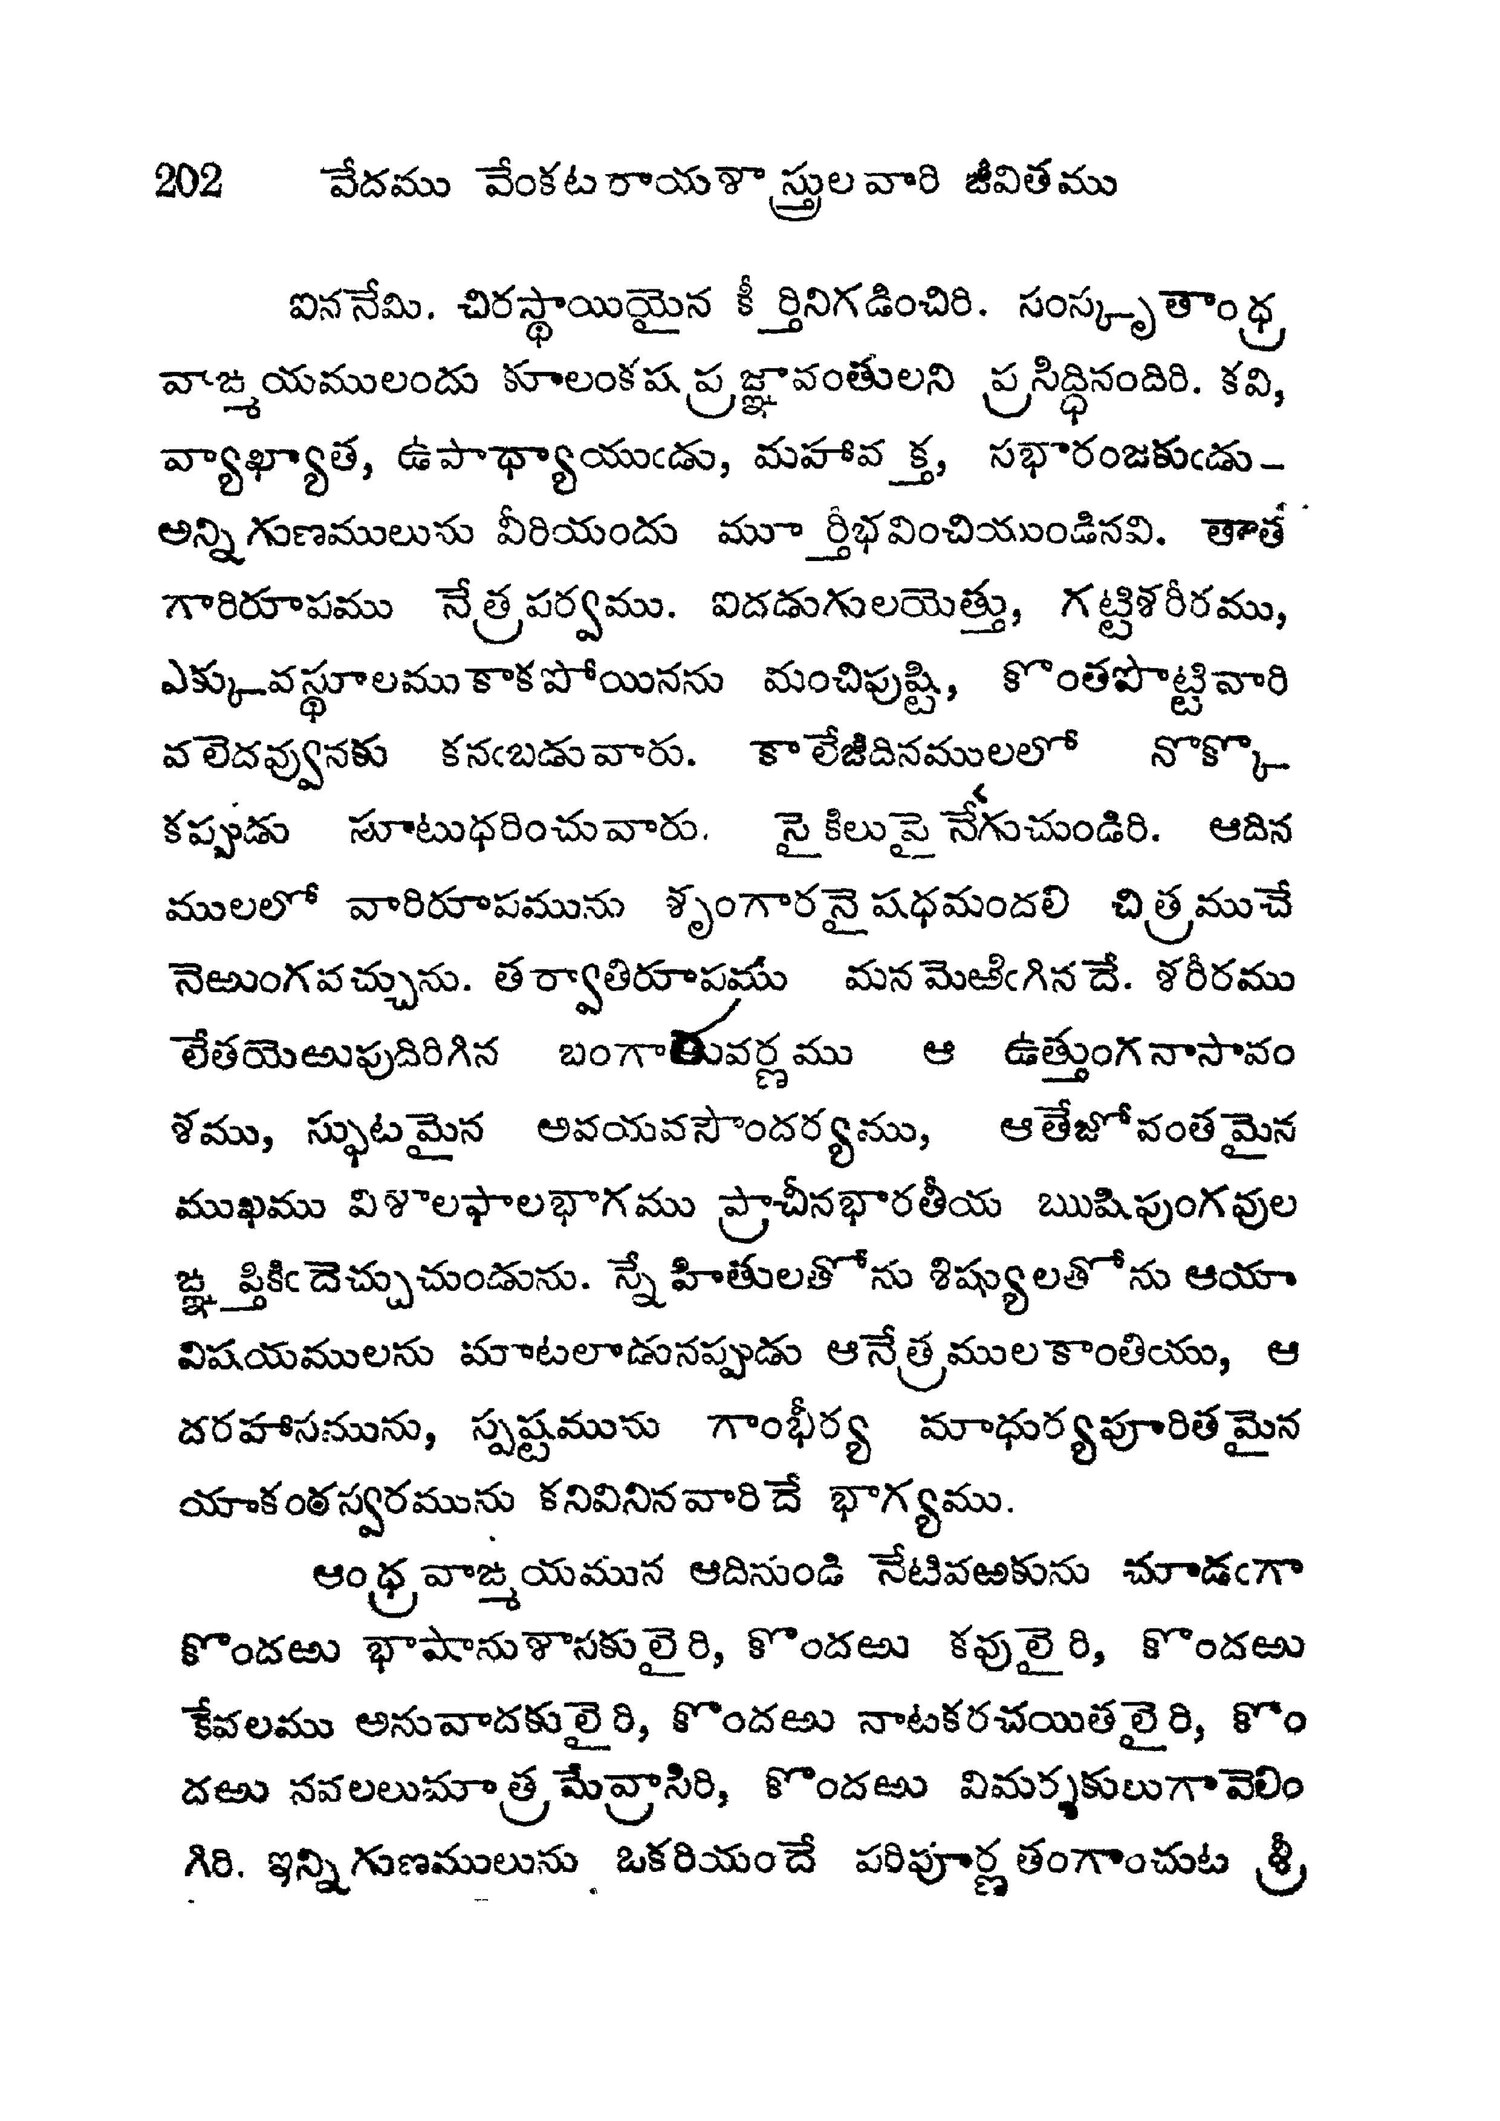ఐననేమి. చిరస్థాయియైన కీర్తినిగడించిరి. సంస్కృతాంధ్ర వాఙ్మయములందు కూలంకష ప్రజ్ఞావంతులని ప్రసిద్ధినందిరి. కవి, వ్యాఖ్యాత, ఉపాథ్యాయుడు, మహావక్త, సభారంజకుడు - అన్ని గుణములును వీరయందు మూర్తీభవించియుండినవి. తాతగారిరూపము నేత్రపర్వము. ఐదడుగులయెత్తు, గట్టిశరీరము, ఎక్కువస్థూలముకాకపోయినను మంచిపుష్టి, కొంతపొట్టివారివలెదవ్వునకు కనబడువారు. కాలేజి దినములలో నొక్కొకప్పుడు సూటుధరించువారు. సైకిలుపై నేగుచుండిరి. ఆదినములలో వారిరూపమును శృంగారనైషధమందలి చిత్రముచే నెఱుంగవచ్చును. తర్వాతిరూపము మనమెఱిగినదే. శరీరము లేతయెఱుపుదిరిగిన బంగారువర్ణము. ఆ ఉత్తుంగనాసావంశము, స్ఫుటమైన అవయవసౌందర్యము, ఆతేజోవంతమైన ముఖము విశాలఫాలభాగము ప్రాచీనభారతీయ ఋషిపుంగవుల జ్ఞప్తికిదెచ్చుచుండును. స్నేహితులతోను శిష్యులతోను ఆయావిషయములను మాటలాడునప్పుడు ఆనేత్రములకాంతియు, ఆ దరహాసమును, స్పష్టమును గాంభీర్య మాధుర్య పూరితమైన యాకంఠస్వరమును కనివినినవారిదే భాగ్యము.

ఆంధ్ర వాఙ్మయమున ఆదినుండి నేటివఱకును చూడగా కొందఱు భాషానుశాసకులైరి, కొందఱు కవులైరి. కొందఱు కేవలము అనువాదకులైరి, కొందఱు నాటకరచయితలైరి, కొందఱు నవలలుమాత్రమేవ్రాసిరి, కొందఱు విమర్శకులుగావెలింగిరి. ఇన్ని గుణములును ఒకరియందే పరిపూర్ణతంగాంచుట శ్రీ